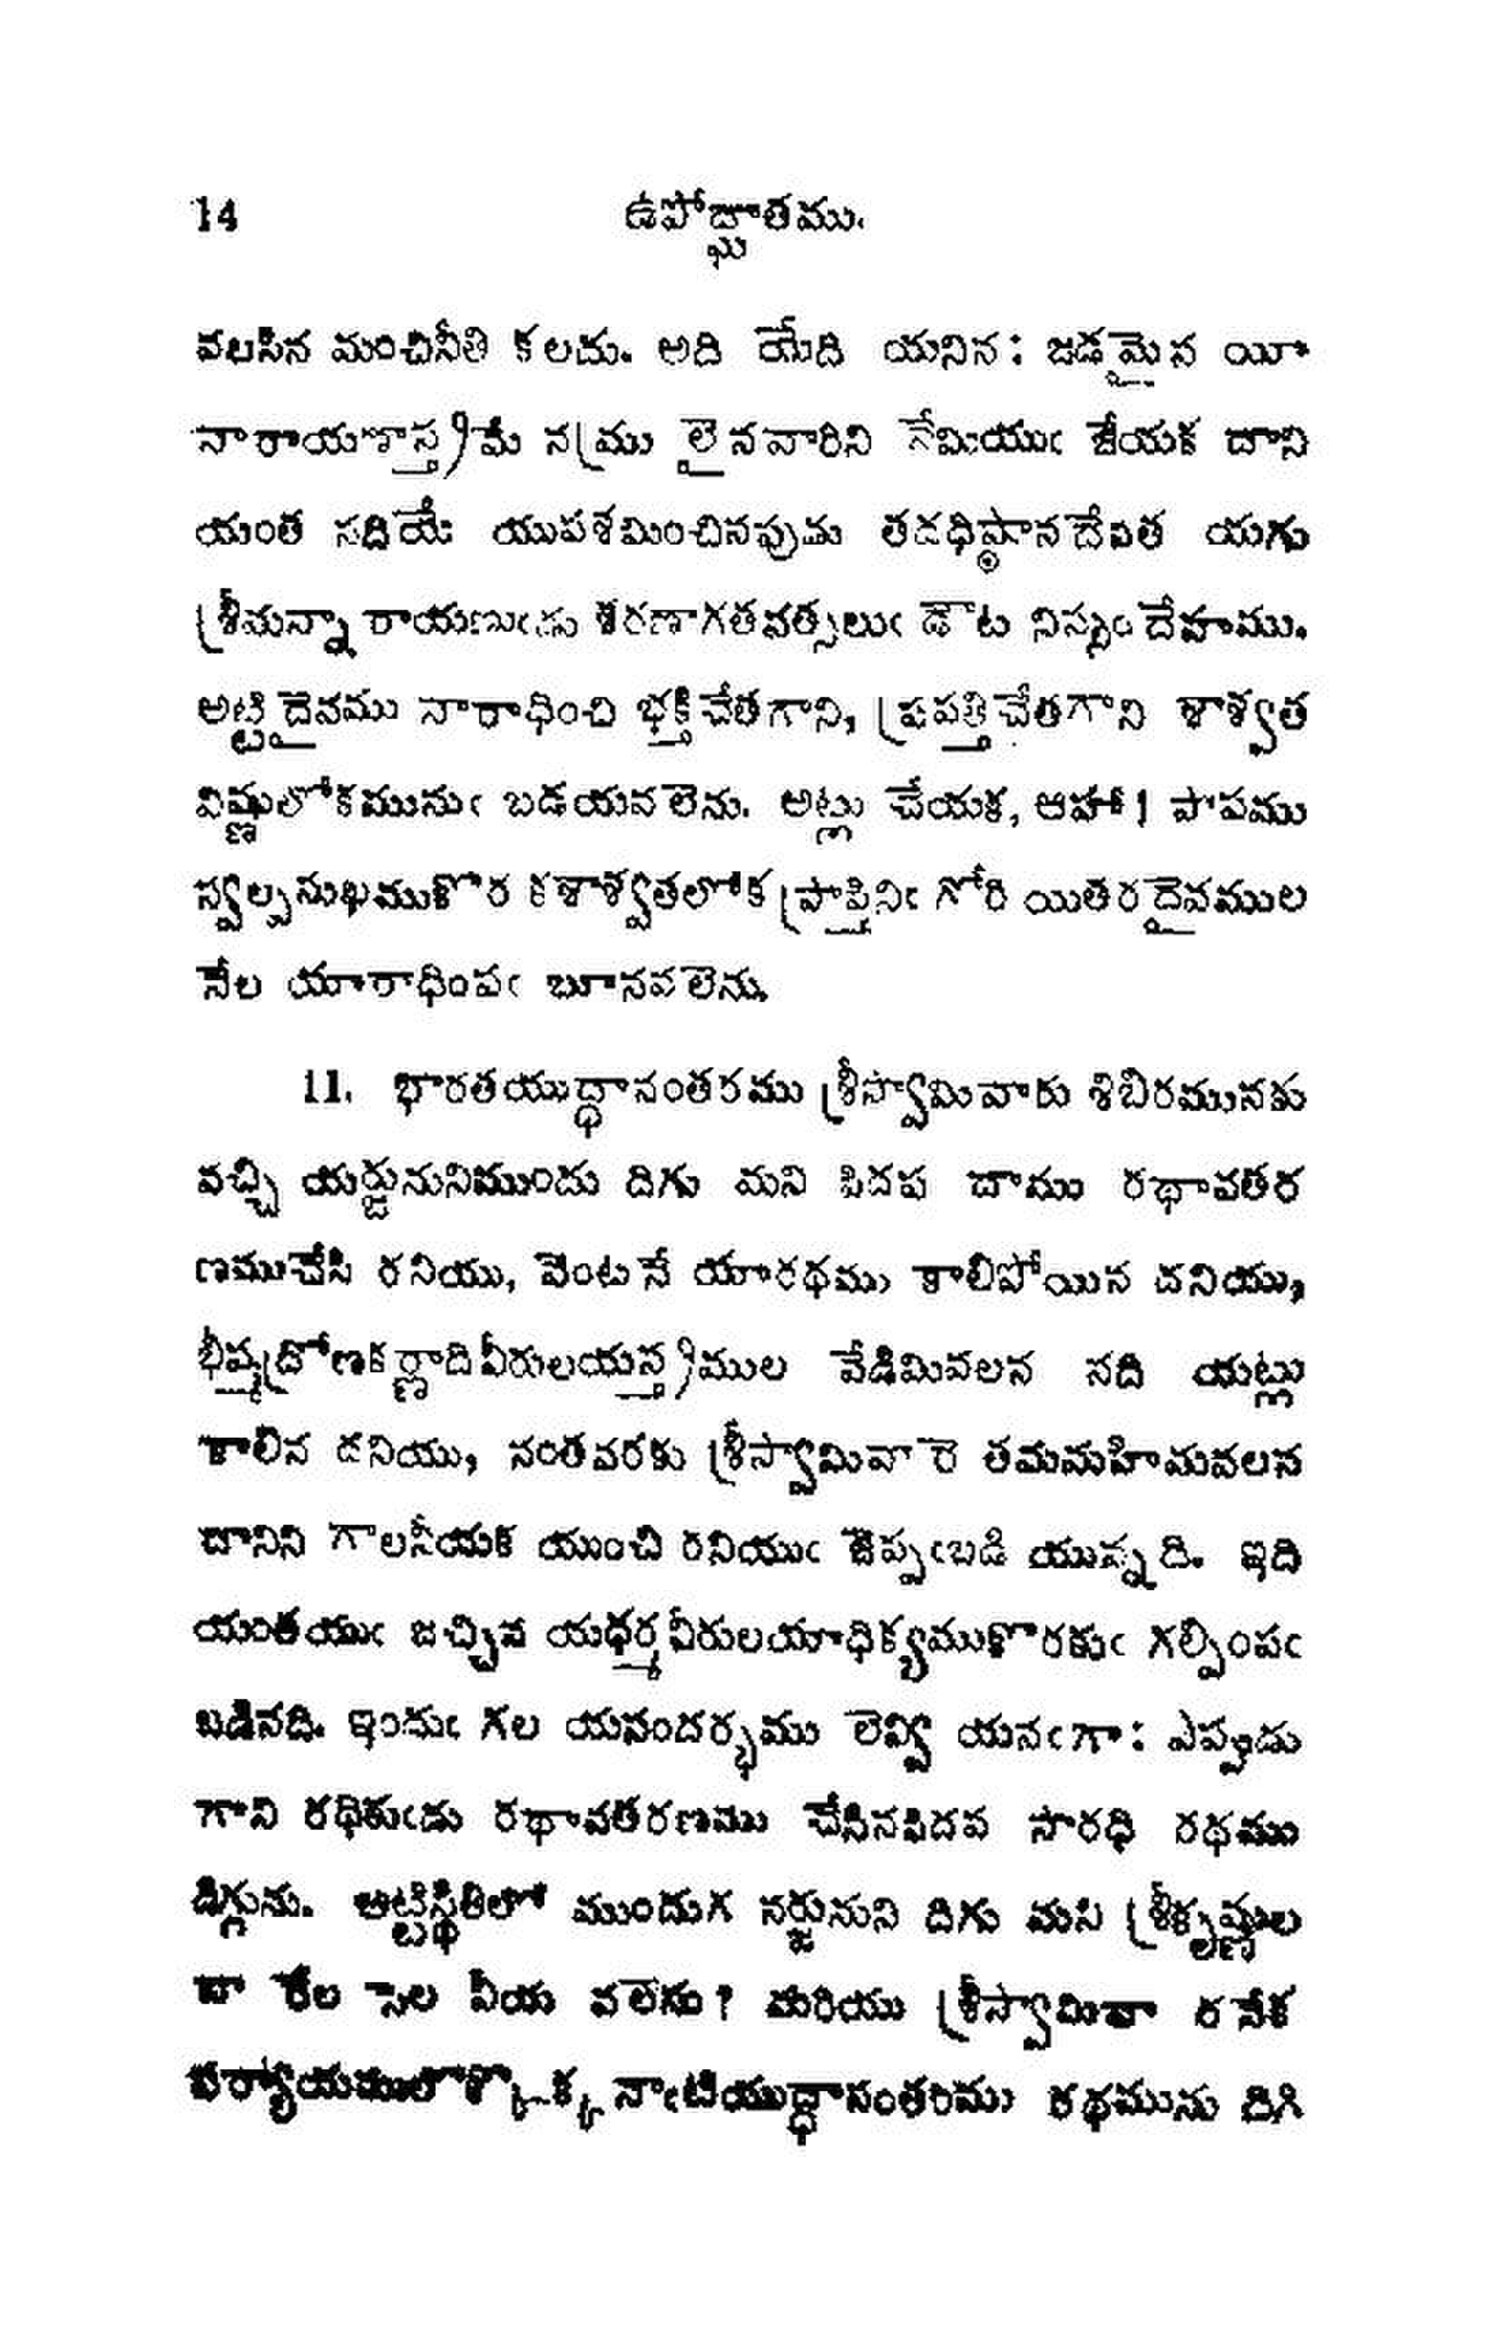వలసిన మంచినీతి కలదు. అది యేది యనిన : జడమైన యీ నారాయణాస్త్రమే నమ్రు లైనవారిని నేమియుఁ జేయక దానియంత నదియే యుపశమించినపుడు తదధిష్ఠానదేవత యగు
శ్రీమన్నారాయణుఁడు శరణాగతవత్సలుఁ డౌట నిస్సందేహము, అట్టిదైవము నారాధించి భక్తిచేతగాని, ప్రపత్తిచేతగాని శాశ్వత విష్ణులోకమునుఁ బడయవలెను. అట్లు చేయక, ఆహా ! పాపము
స్వల్పసుఖముకొర కశాశ్వతలోక ప్రాప్తినిఁ గోరి యితరదైవముల నేల యారాధింపఁ బూనవలెను

11. భారతయుద్ధానంతరము శ్రీస్వామివారు శిబిరమునకు వచ్చి యర్జునునిముందు దిగు మని పిదప దాము రథావతరణముచేసి రనియు, వెంటనే యారథము కాలిపోయిన దనియు, భీష్మద్రోణకర్ణాది వీరులయస్త్రముల వేడిమివలన నది యట్లు కాలిన దనియు, నంతవరకు శ్రీస్వామివారె తమమహిమవలన దానిని గాలనీయక యుంచి రనియుఁ జెప్పఁబడి యున్నది. ఇది యంతయుఁ జచ్చిన యధర్మవీరులయాధిక్యముకొరకుఁ గల్పింపఁ బడినది. ఇందుఁ గల యసందర్భము లెవ్వి యనఁగా : ఎప్పుడుగాని రథికుఁడు రథావతరణము చేసినపిదవ సారధి రథము డిగ్గును. అట్టిస్థితిలో ముందుగ నర్జునుని దిగు మని శ్రీకృష్ణుల వా రేల సెల వీయ వలెను ? మరియు శ్రీస్వామివా రనేక
పర్యాయములోక్కొక్క నాఁటియుద్ధానంతరము రథమును దిగి